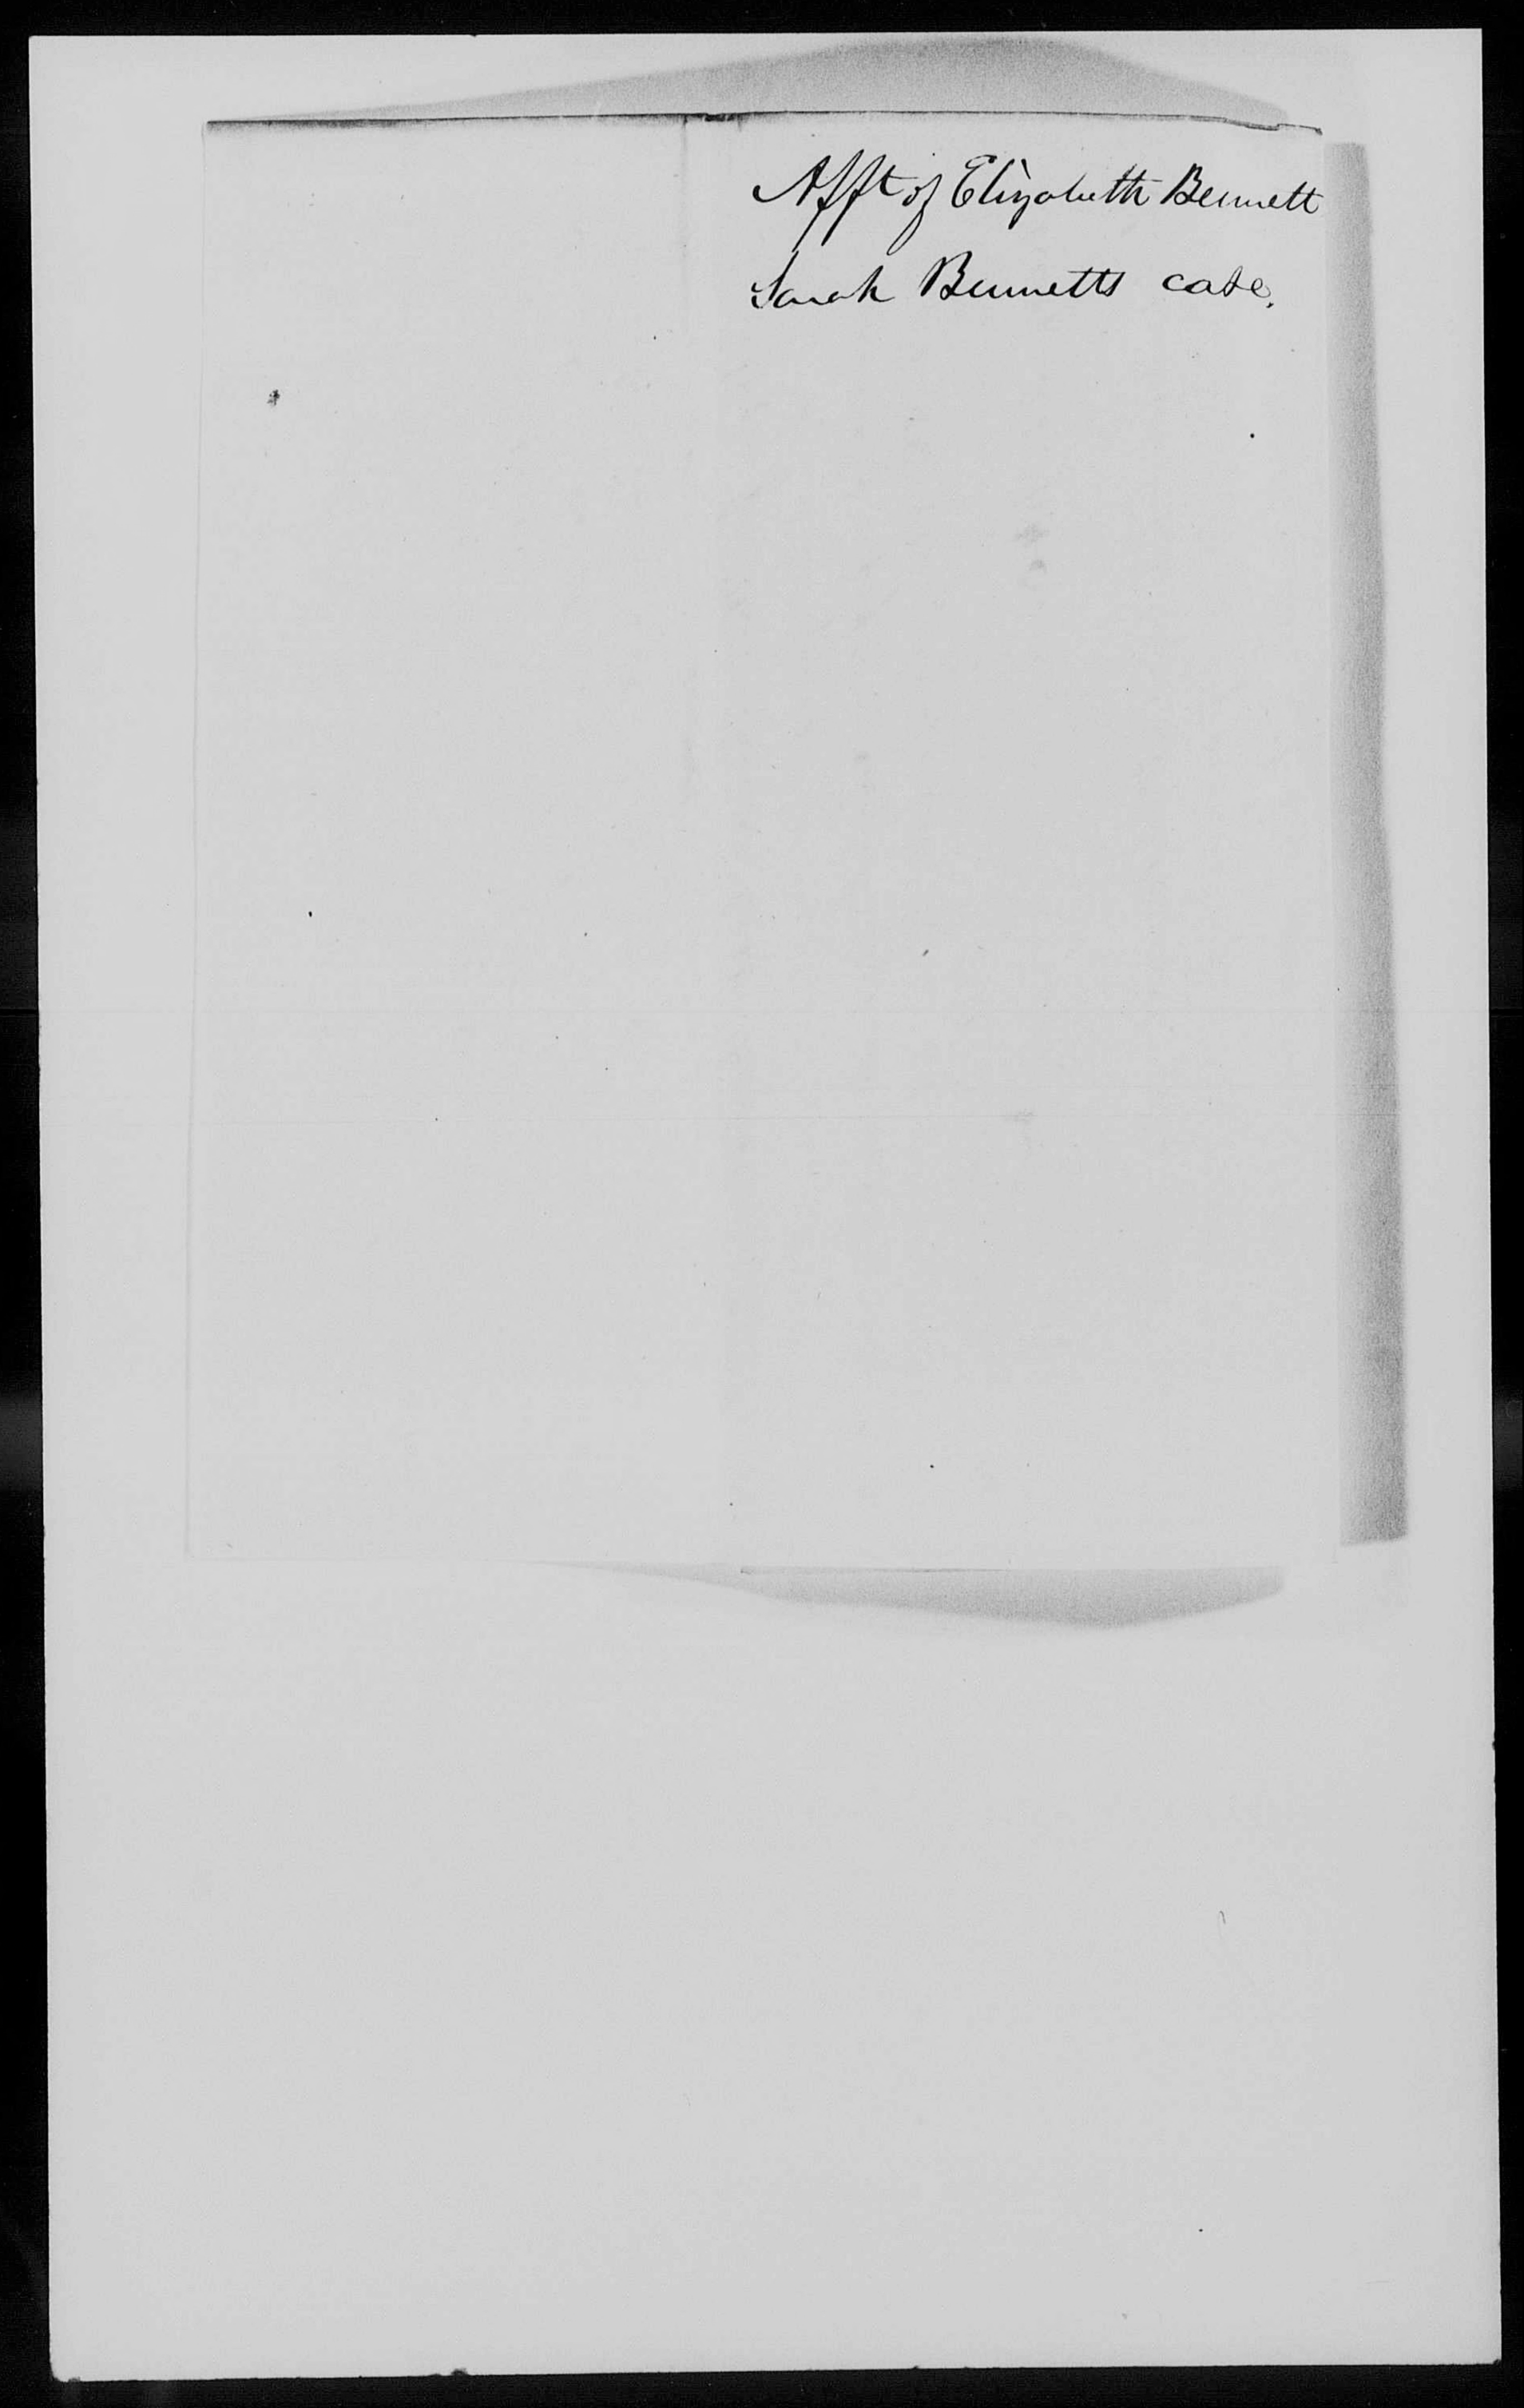Afft of Elizabeth Bennett
Sarah Bennetts case.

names: Sarah Bennett, Elizabeth Bennett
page: 16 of 43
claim: widow's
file: W. 21665, Ebenezer Bennett, N. H. Privateer.